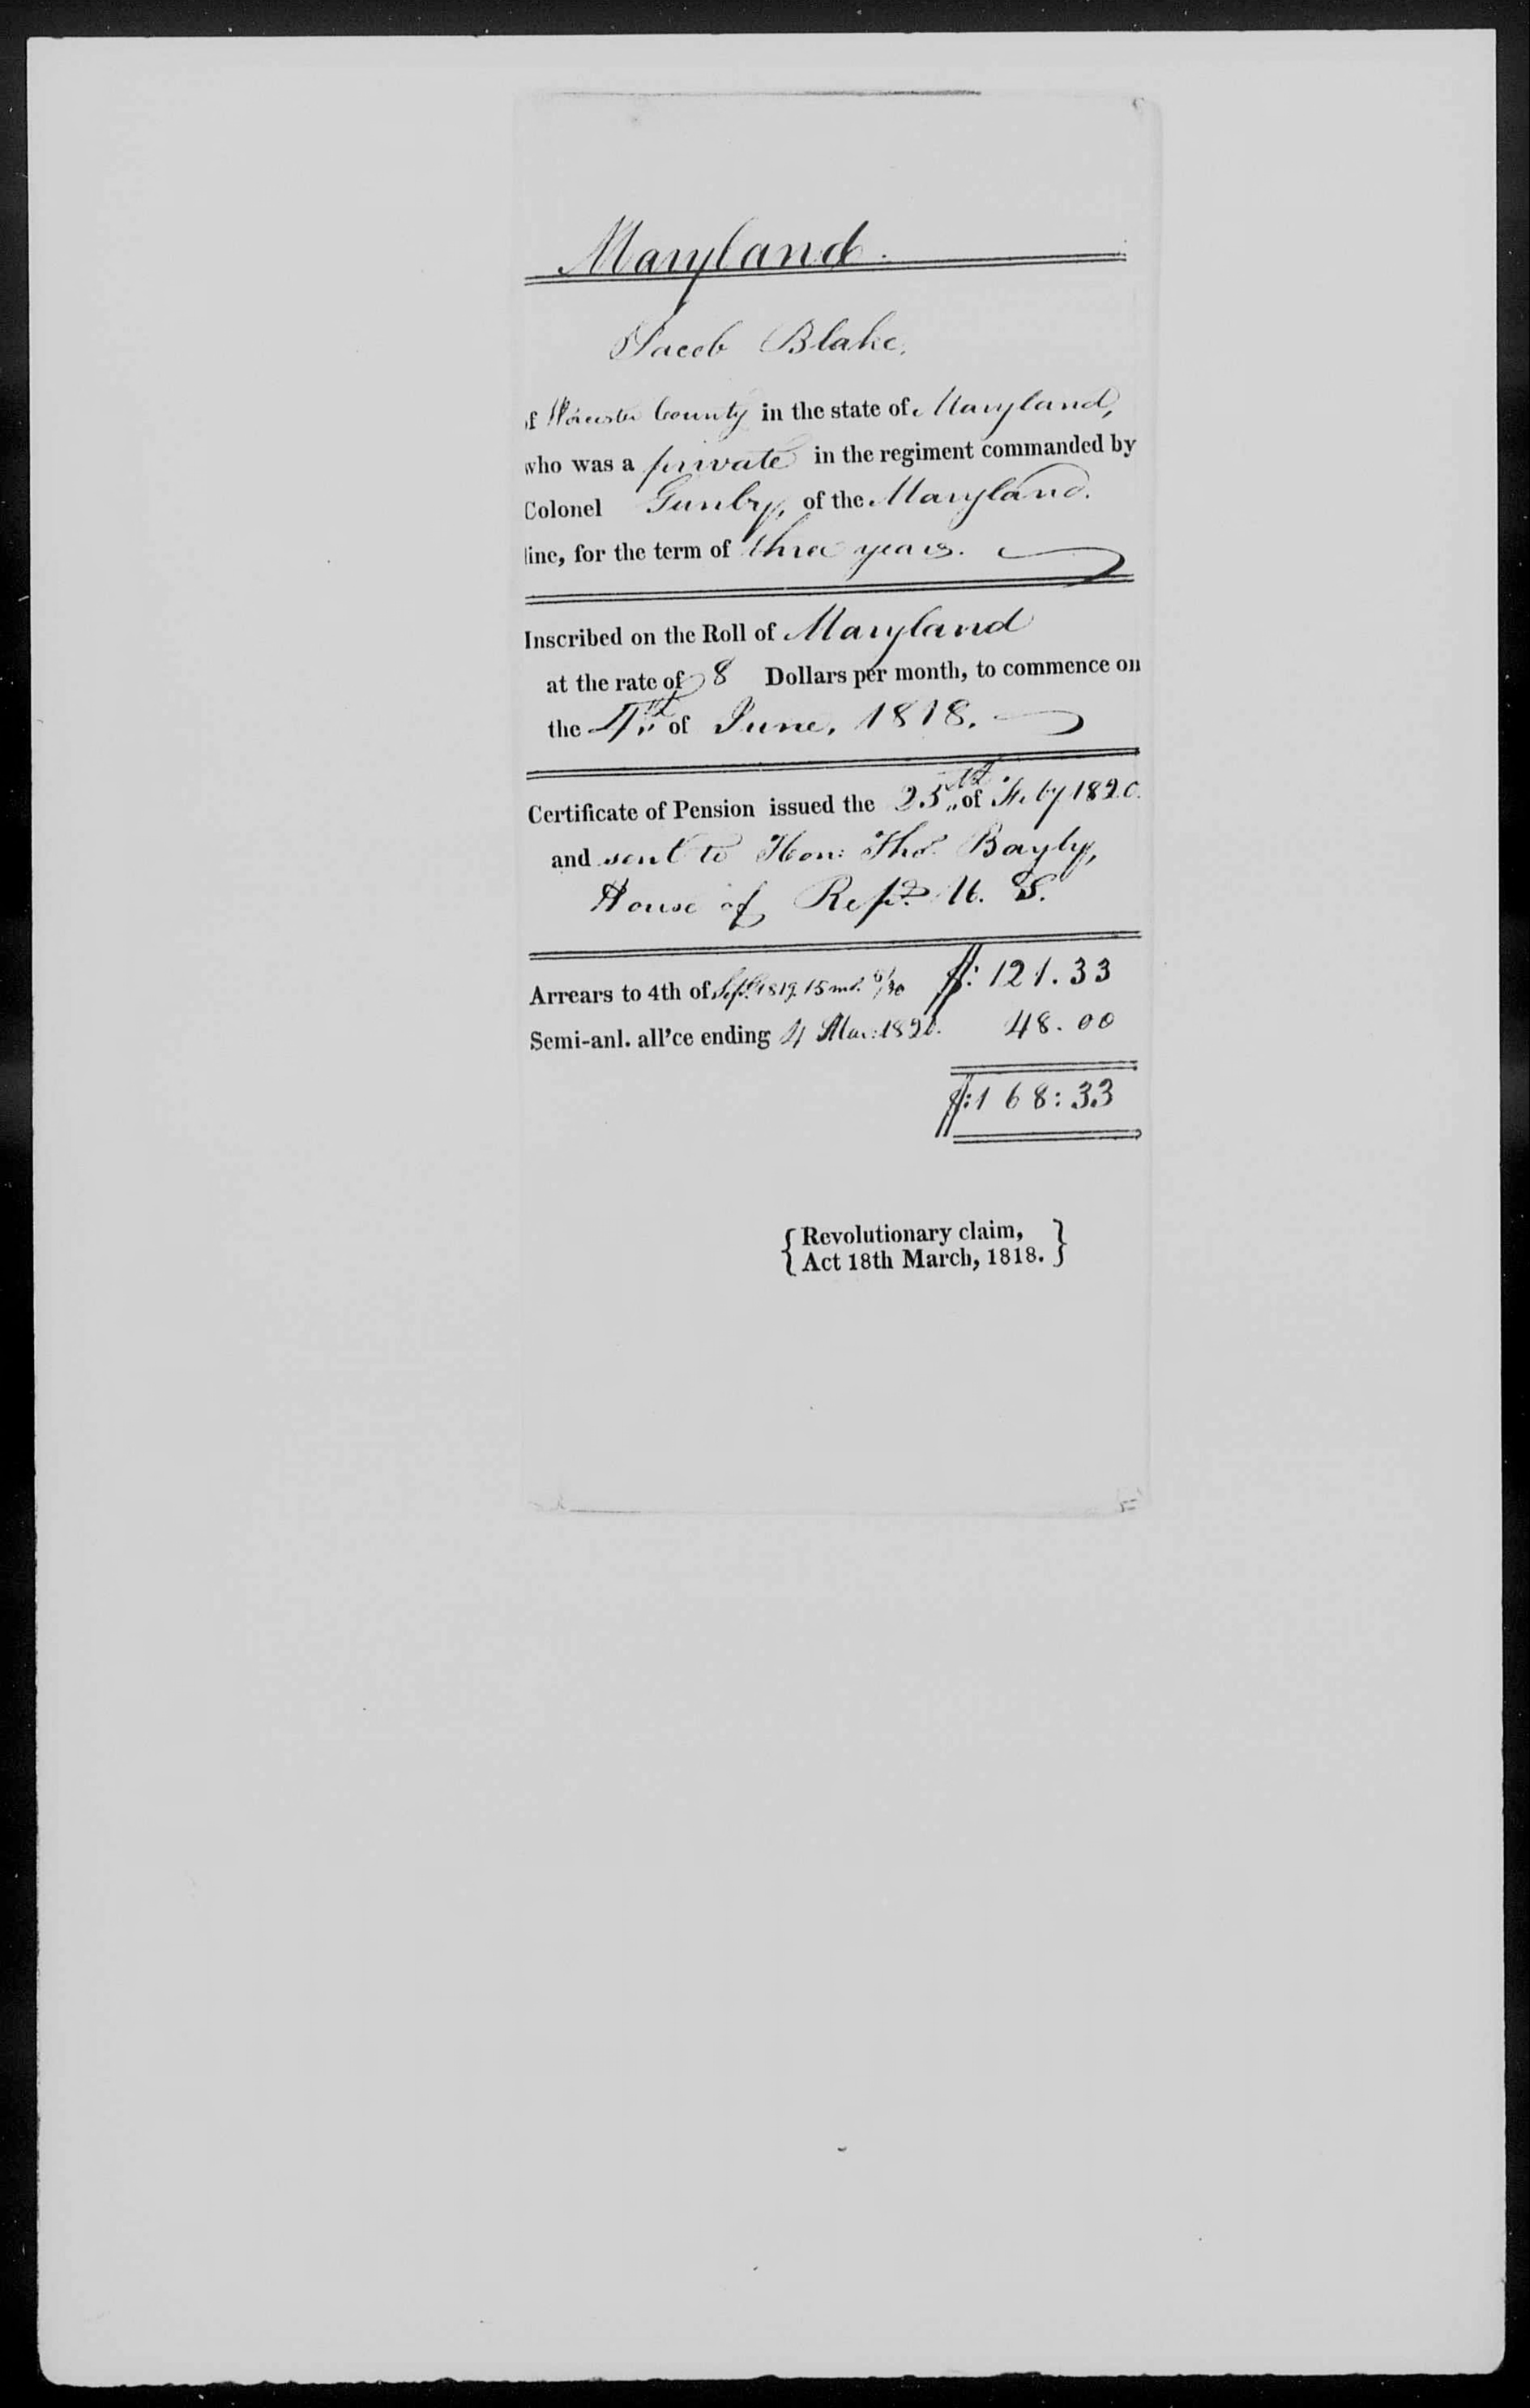Maryland

Jacob Blake, of Worcester County in the state of Maryland, who was a private in the regiment commanded by Colonel Gunby, of the Maryland Line, for the term of three years. 

Inscribed on the Roll of Maryland at the rate of 8 Dolars per month, to commence on the 4 th of June, 1818.

Certificate of Pension issued the 23 rd of July 1820 and sent to Hon. Thos. Bayly, House of Reps. 1[?]6. S. 

Arrears to 4 th of Sept. 1819. 15 mo. [illegible]/[illegible] | $: 121.33
Semi-anl. all’ce ending 4 Mar: 1820. | 48.00
$:168:33

{Revolutionary claim, Act 18 th March, 1818.}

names: Jacob Blake, Gunby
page: 2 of 18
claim: survivor's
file: S. 34654, Jacob Blake, Md.